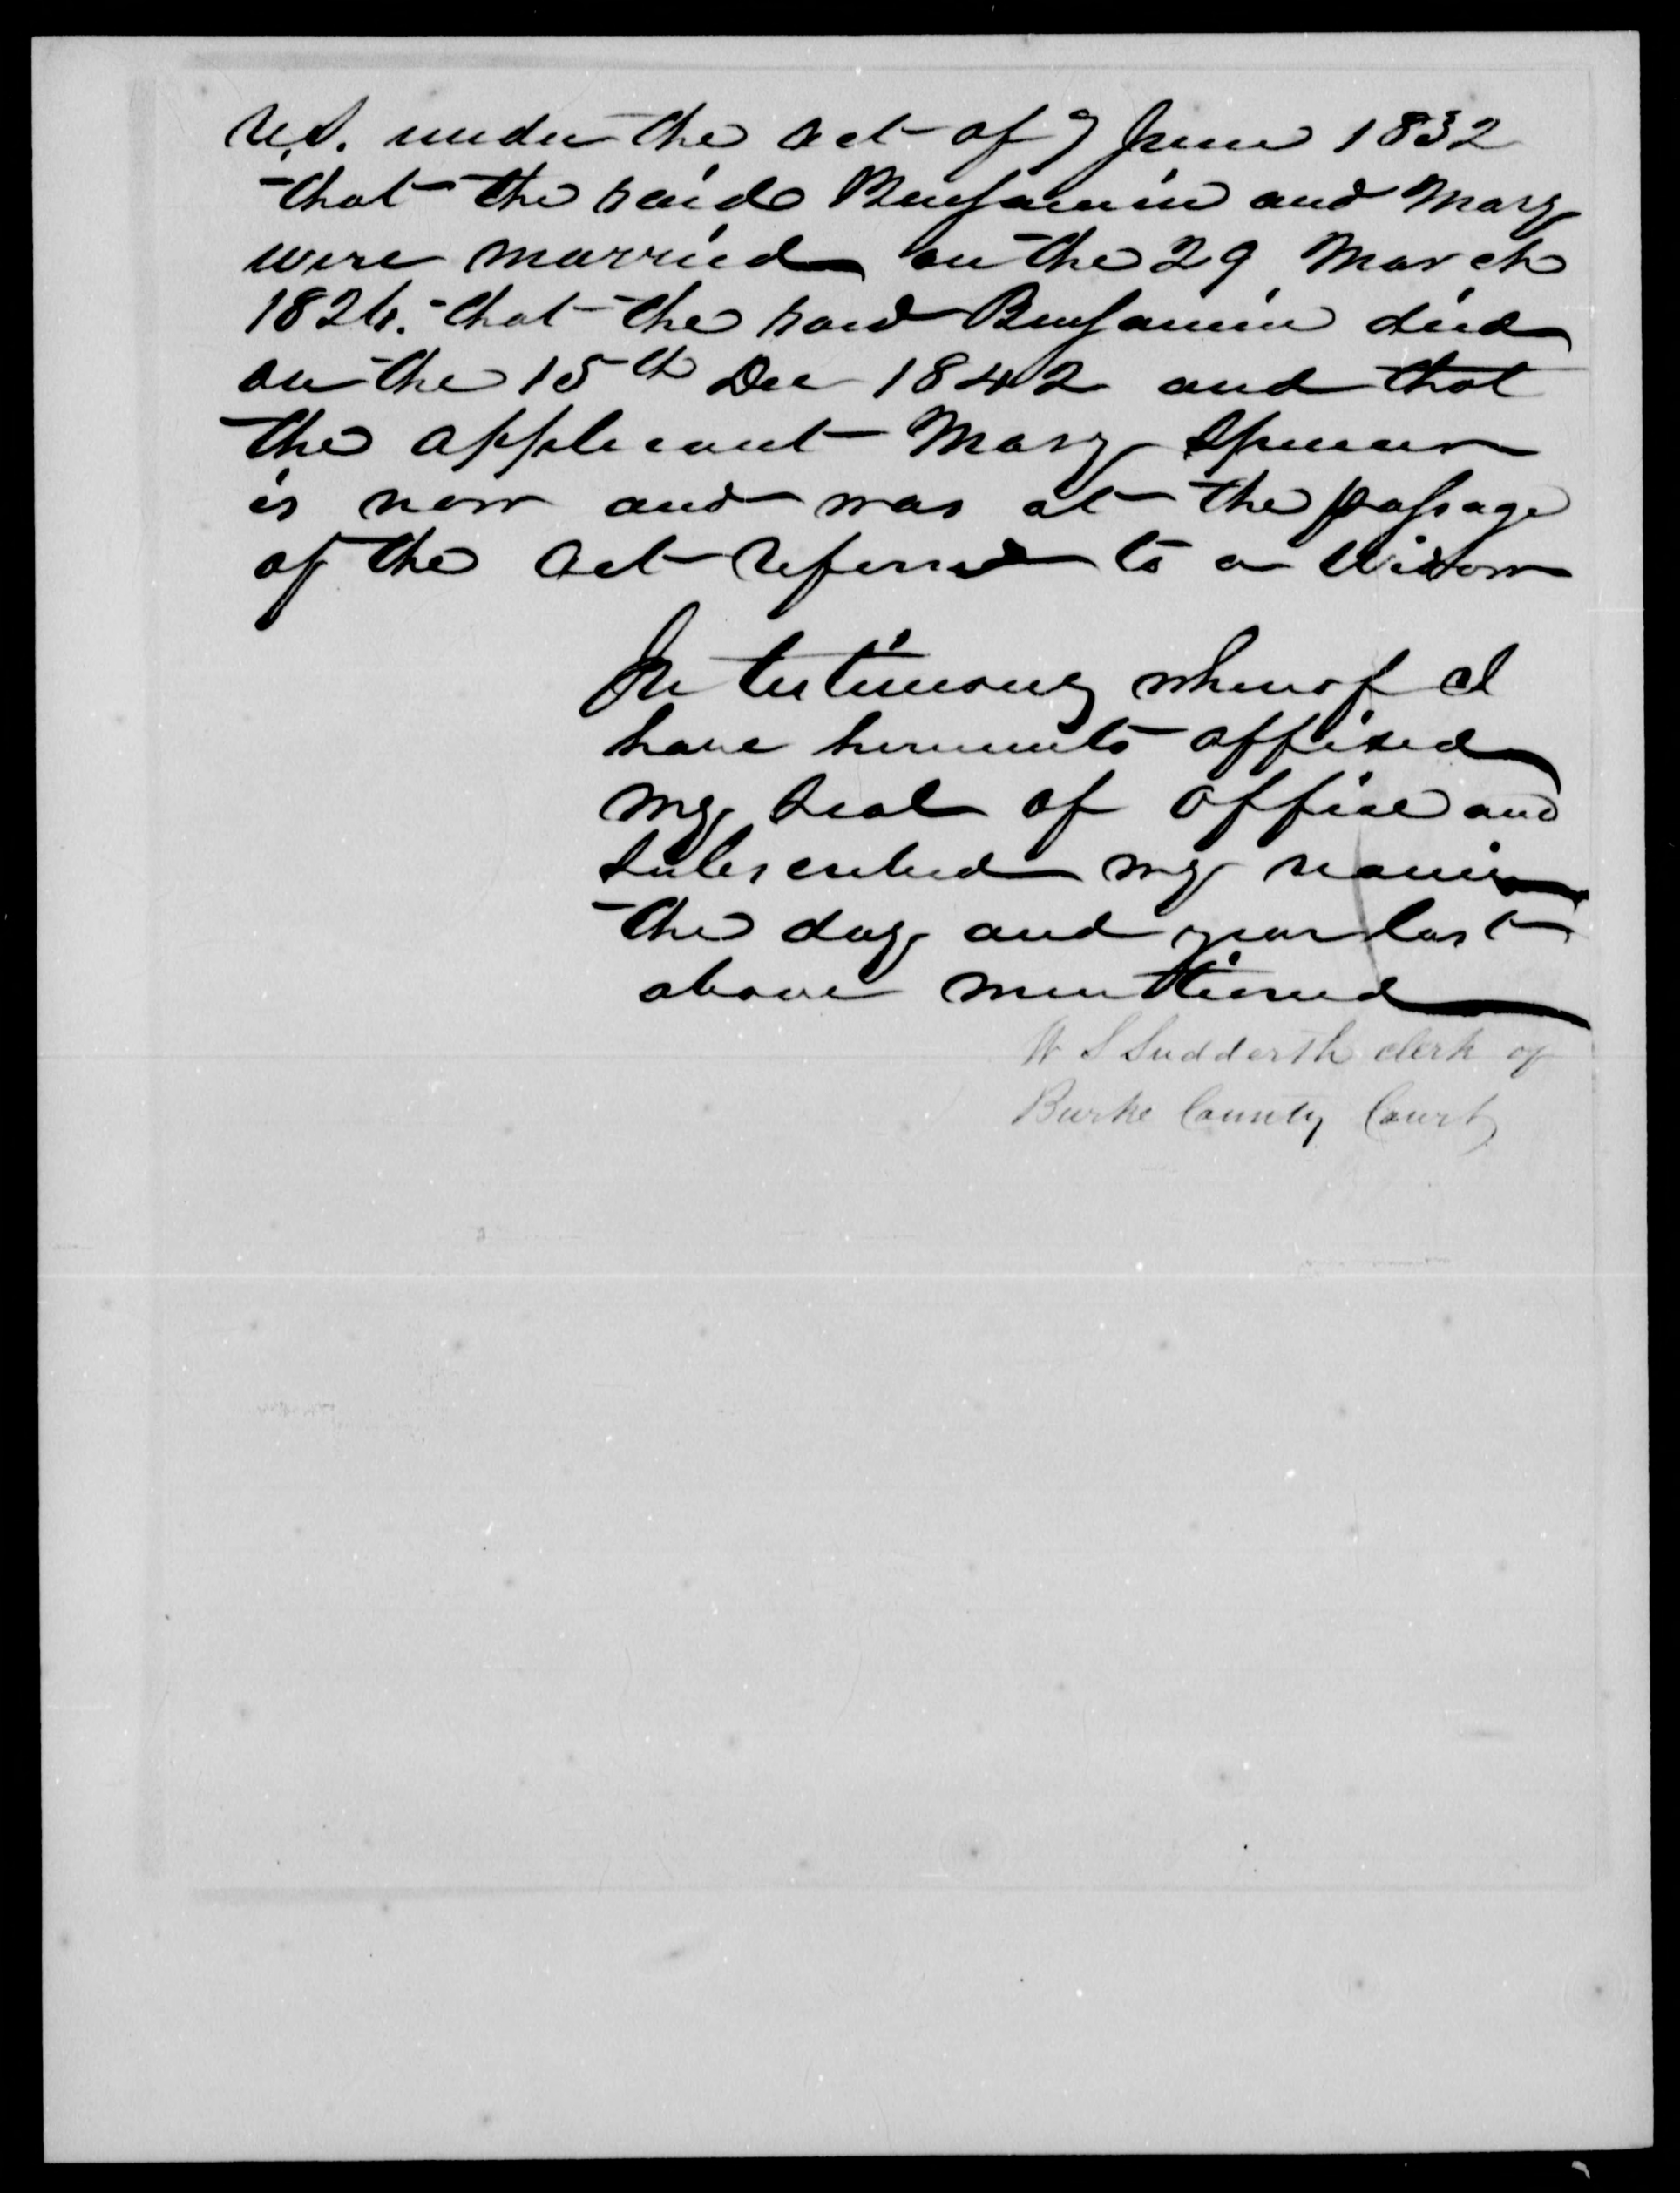[illegible] under the act of 7 June 1832
that the said Benjamin and Mary
were married on the 29 March
1826, that the said Benjamin died
on the 15th Dec 1842 and that the
applicant Mary Spencer
is now and was at the passage
of the act referred to a widow
In testimony whereof I
have hereunto affixed
my seal of office and
subscribed my name 
the day and year last
above mentioned
W S Sudderth clerk of
Burke County Court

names: Mary Spencer; Mary [BLANK]; Benjamin [BLANK]; Benjamin [BLANK]; W S Sudderth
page: 16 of 63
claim: widow's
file: W. 6158, for Benjamin Spencer, North Carolina